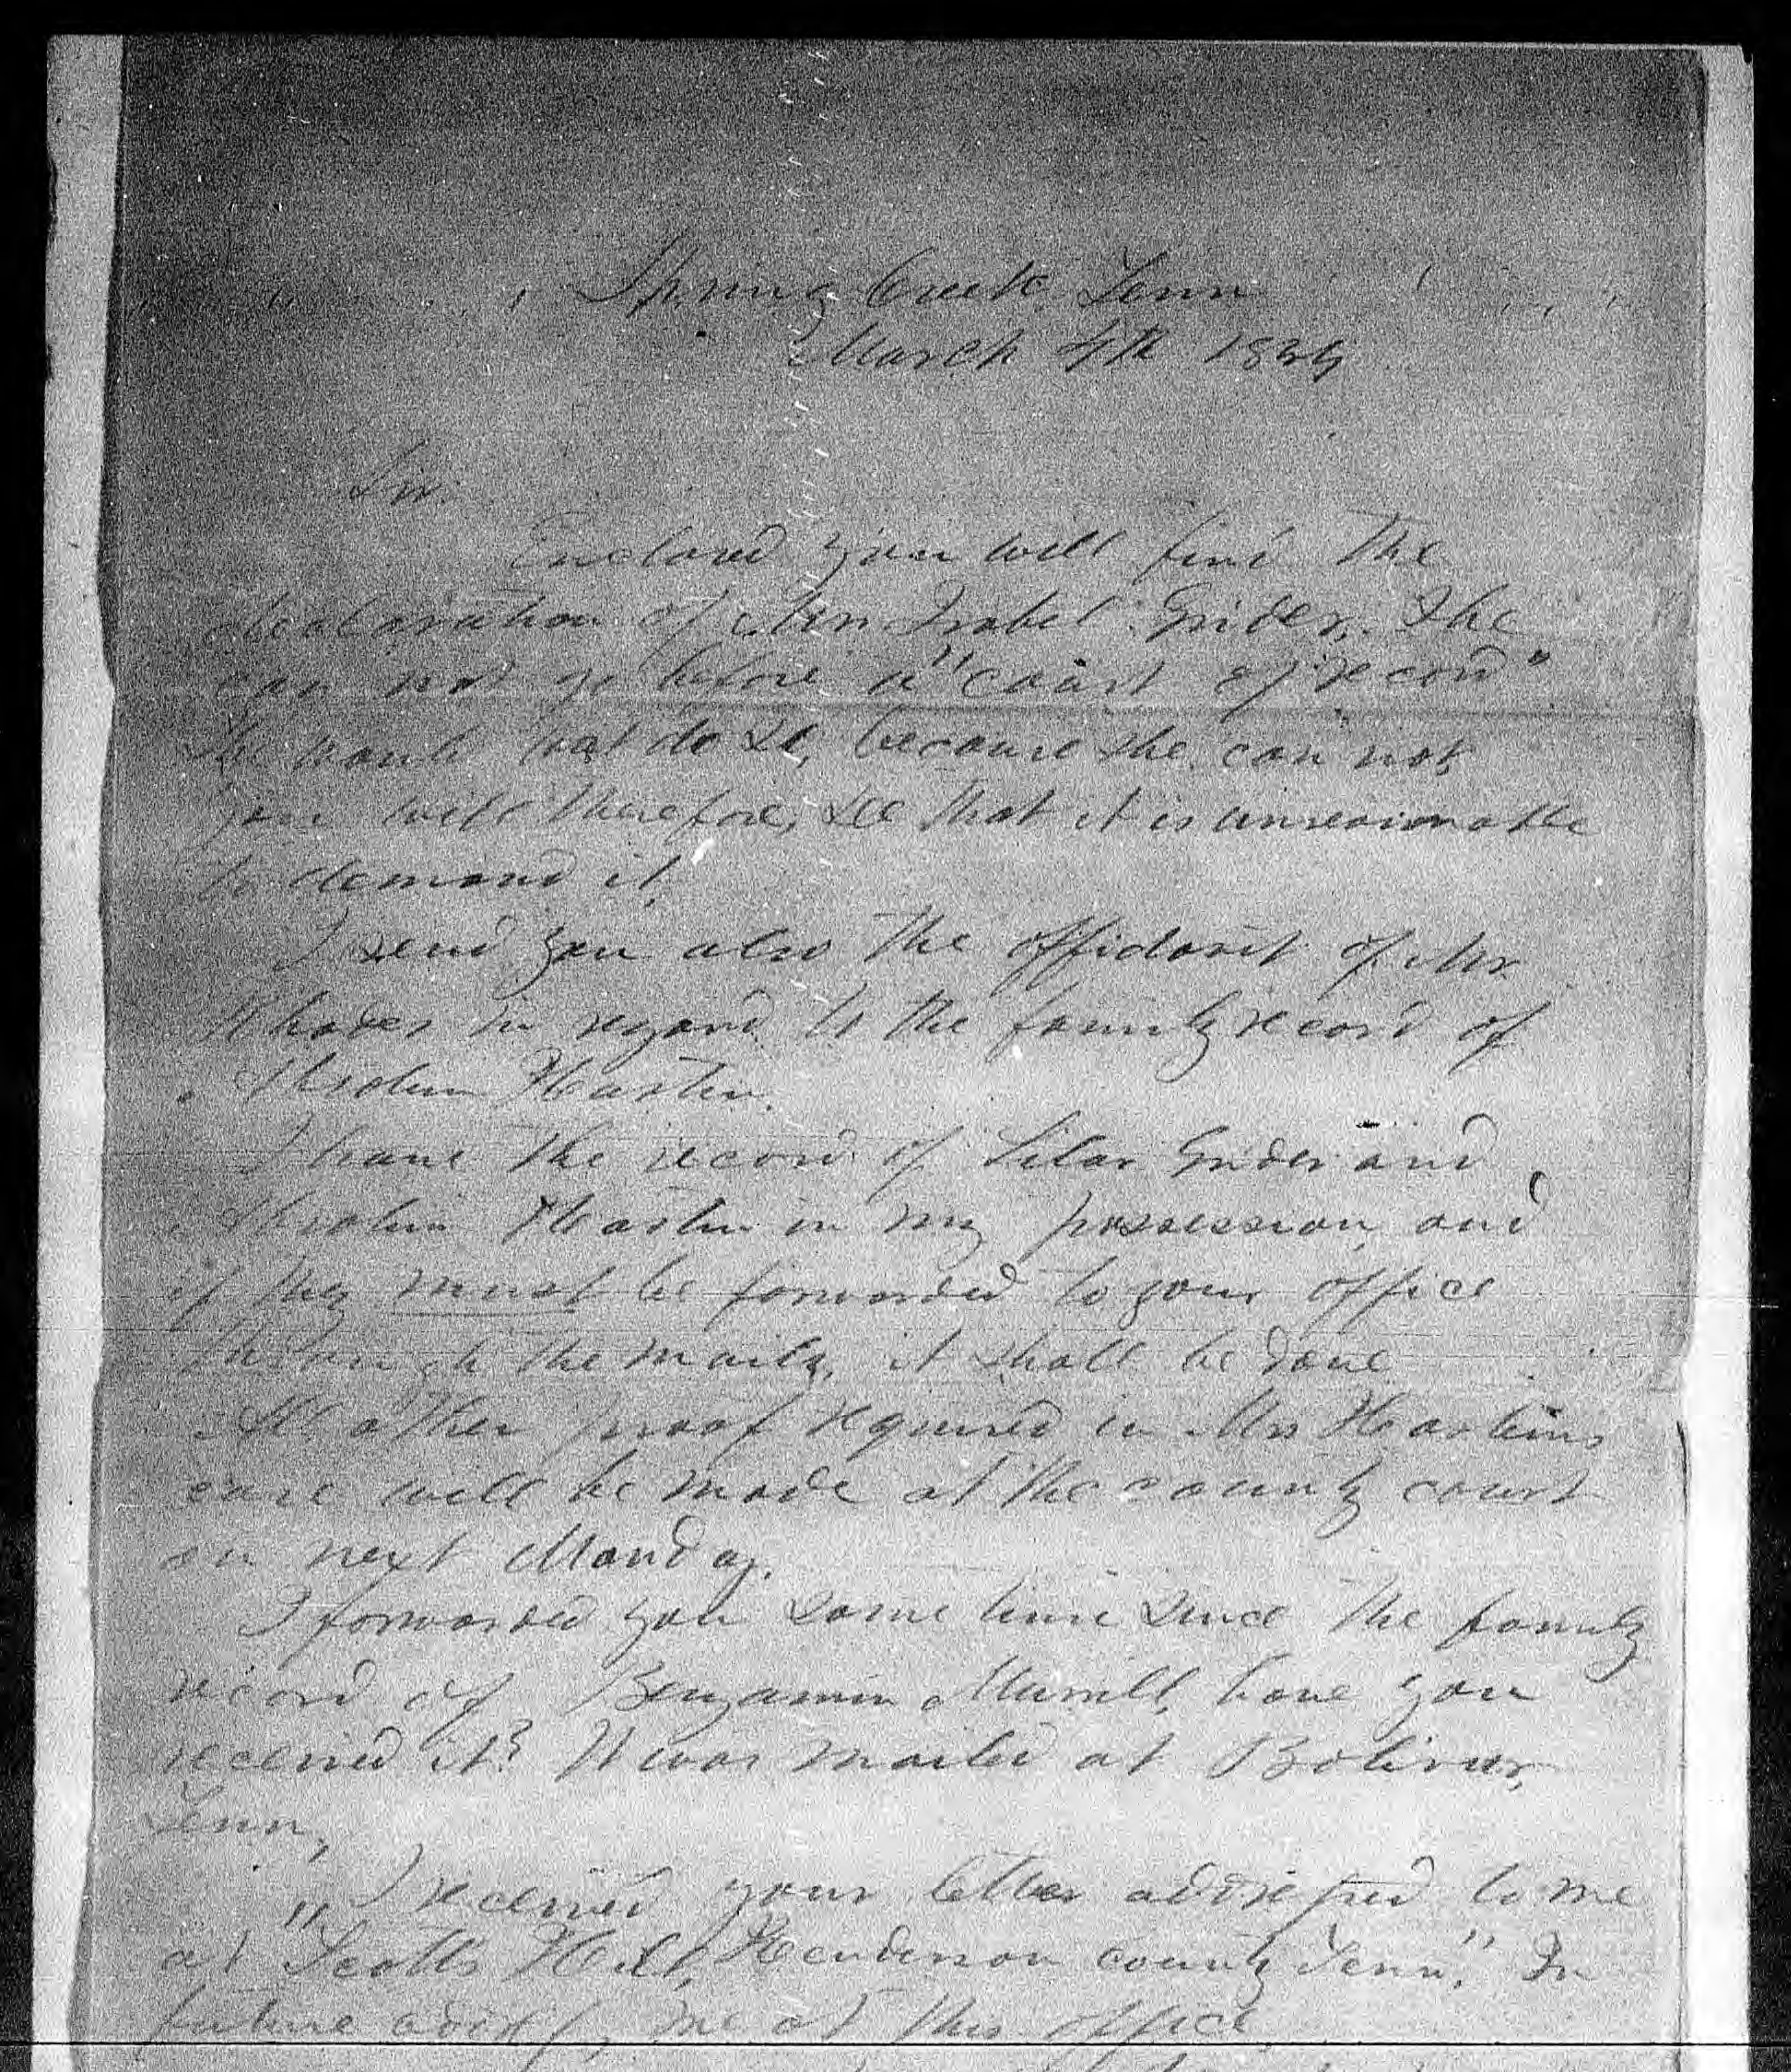Spring Creek Tenn
March 4th 1835

Sir:

     Enclosed you will find the declaration of Mrs Isabel Grider. She  can not  go before a "court of record" She wants that [illegible] because she can not , [illegible] will therefore,  see that it is unreasonable to demand it.
     I send you also the affidavit of her [illegible] in regard to the family record of Absolum Hasten.
     I have the record of Silas Grider and [illegible] Martin in my possession and if they must be forwarded to your office through the mail, it shall be done and if other proof required in [illegible]. [illegible] [illegible] will be made at the county court on next Monday.
     I forwarded you some time since the family record of Benjamin  Murrill, have you recieved it? It was mailed at Boliver Tenn.
     I received your letter addressed to me at Scott's Hill, Henderson County Tenn.  In future address me at this office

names: Hasteins, Absolum Hastin, Benjamin Murrill, Rhodes, Isabel Grider, Absolum Hasten, Silas Grider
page: 47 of 91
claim: widow's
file: W 358, John Grider, N.C.